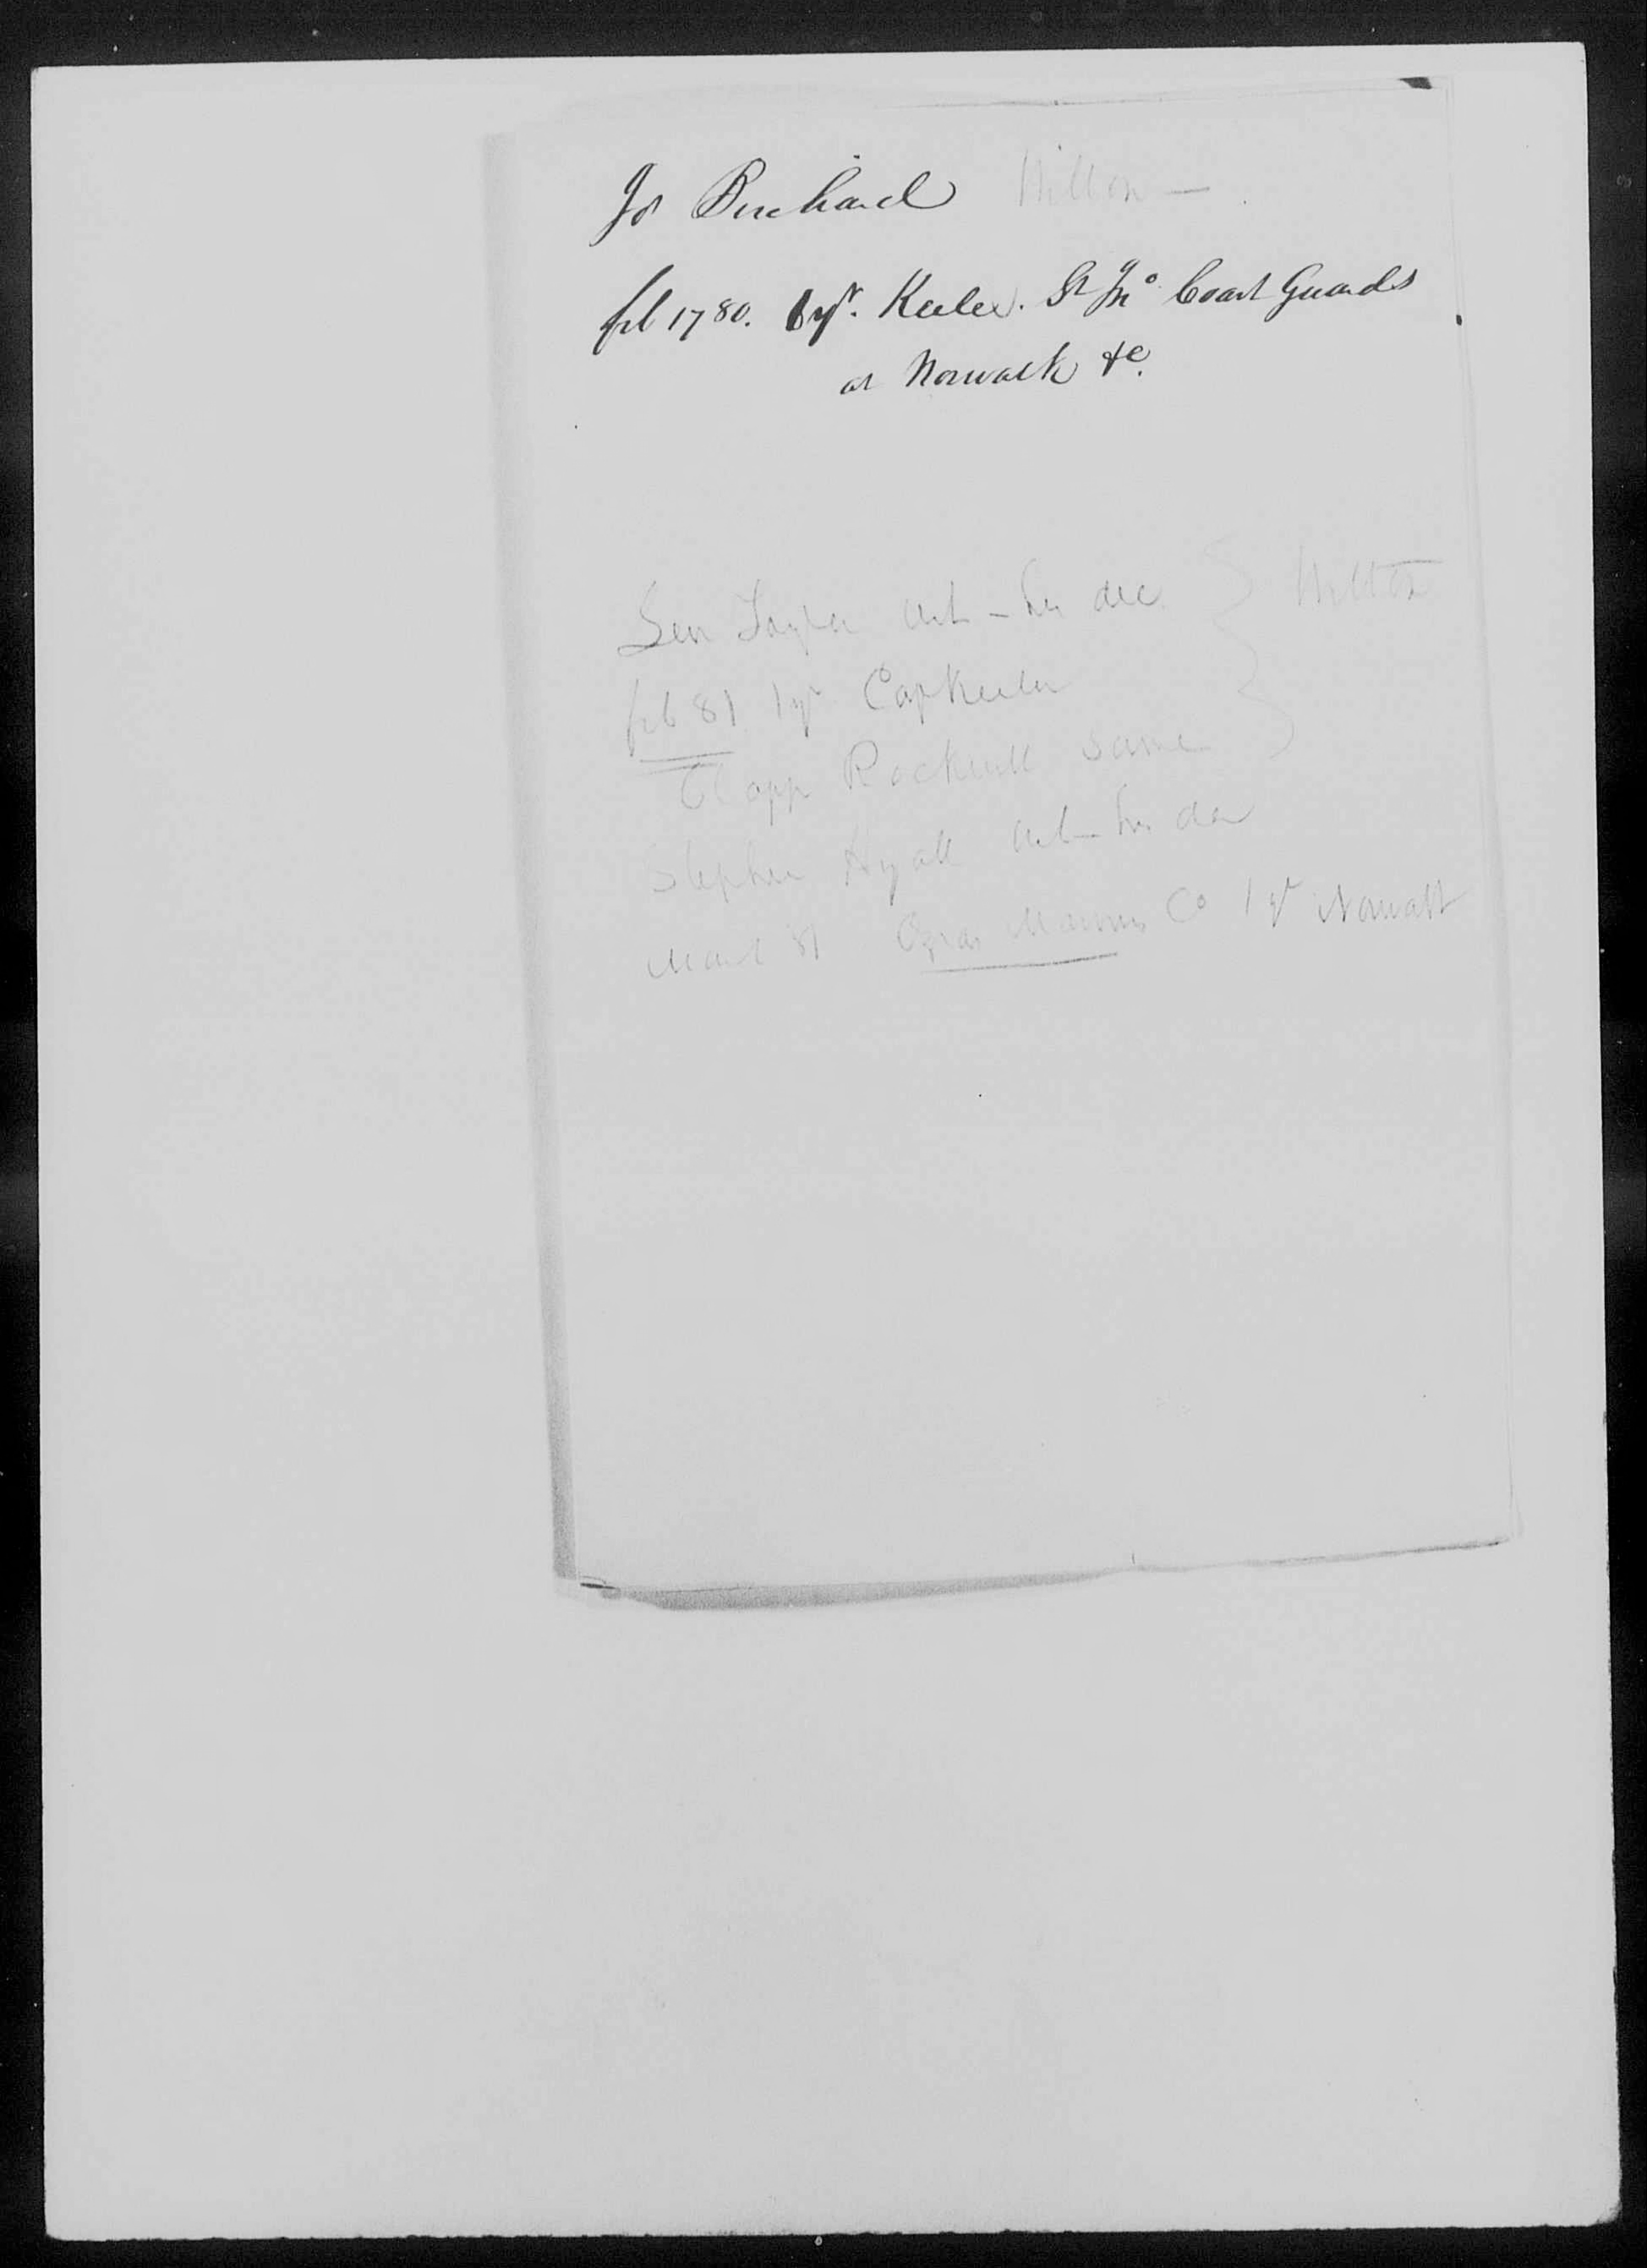Jo. Birchard- Milton

Jul 1780 apt. Keele  Gr. Mj Coast Guards
at Norwalk &C.

Sen. Taylor [unkown] by Dec.} Milton
fil 81 1 year Cap. Keele}
Clapp Rockwell Same }
 
Stephen Hyatt [unknown} 
Mar 81 [illegible]  Mam, Co. 1 wk. Norwalk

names: Jos Birchard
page: 16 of 18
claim: rejected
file: R. 844, Joseph Birchard, Conn.